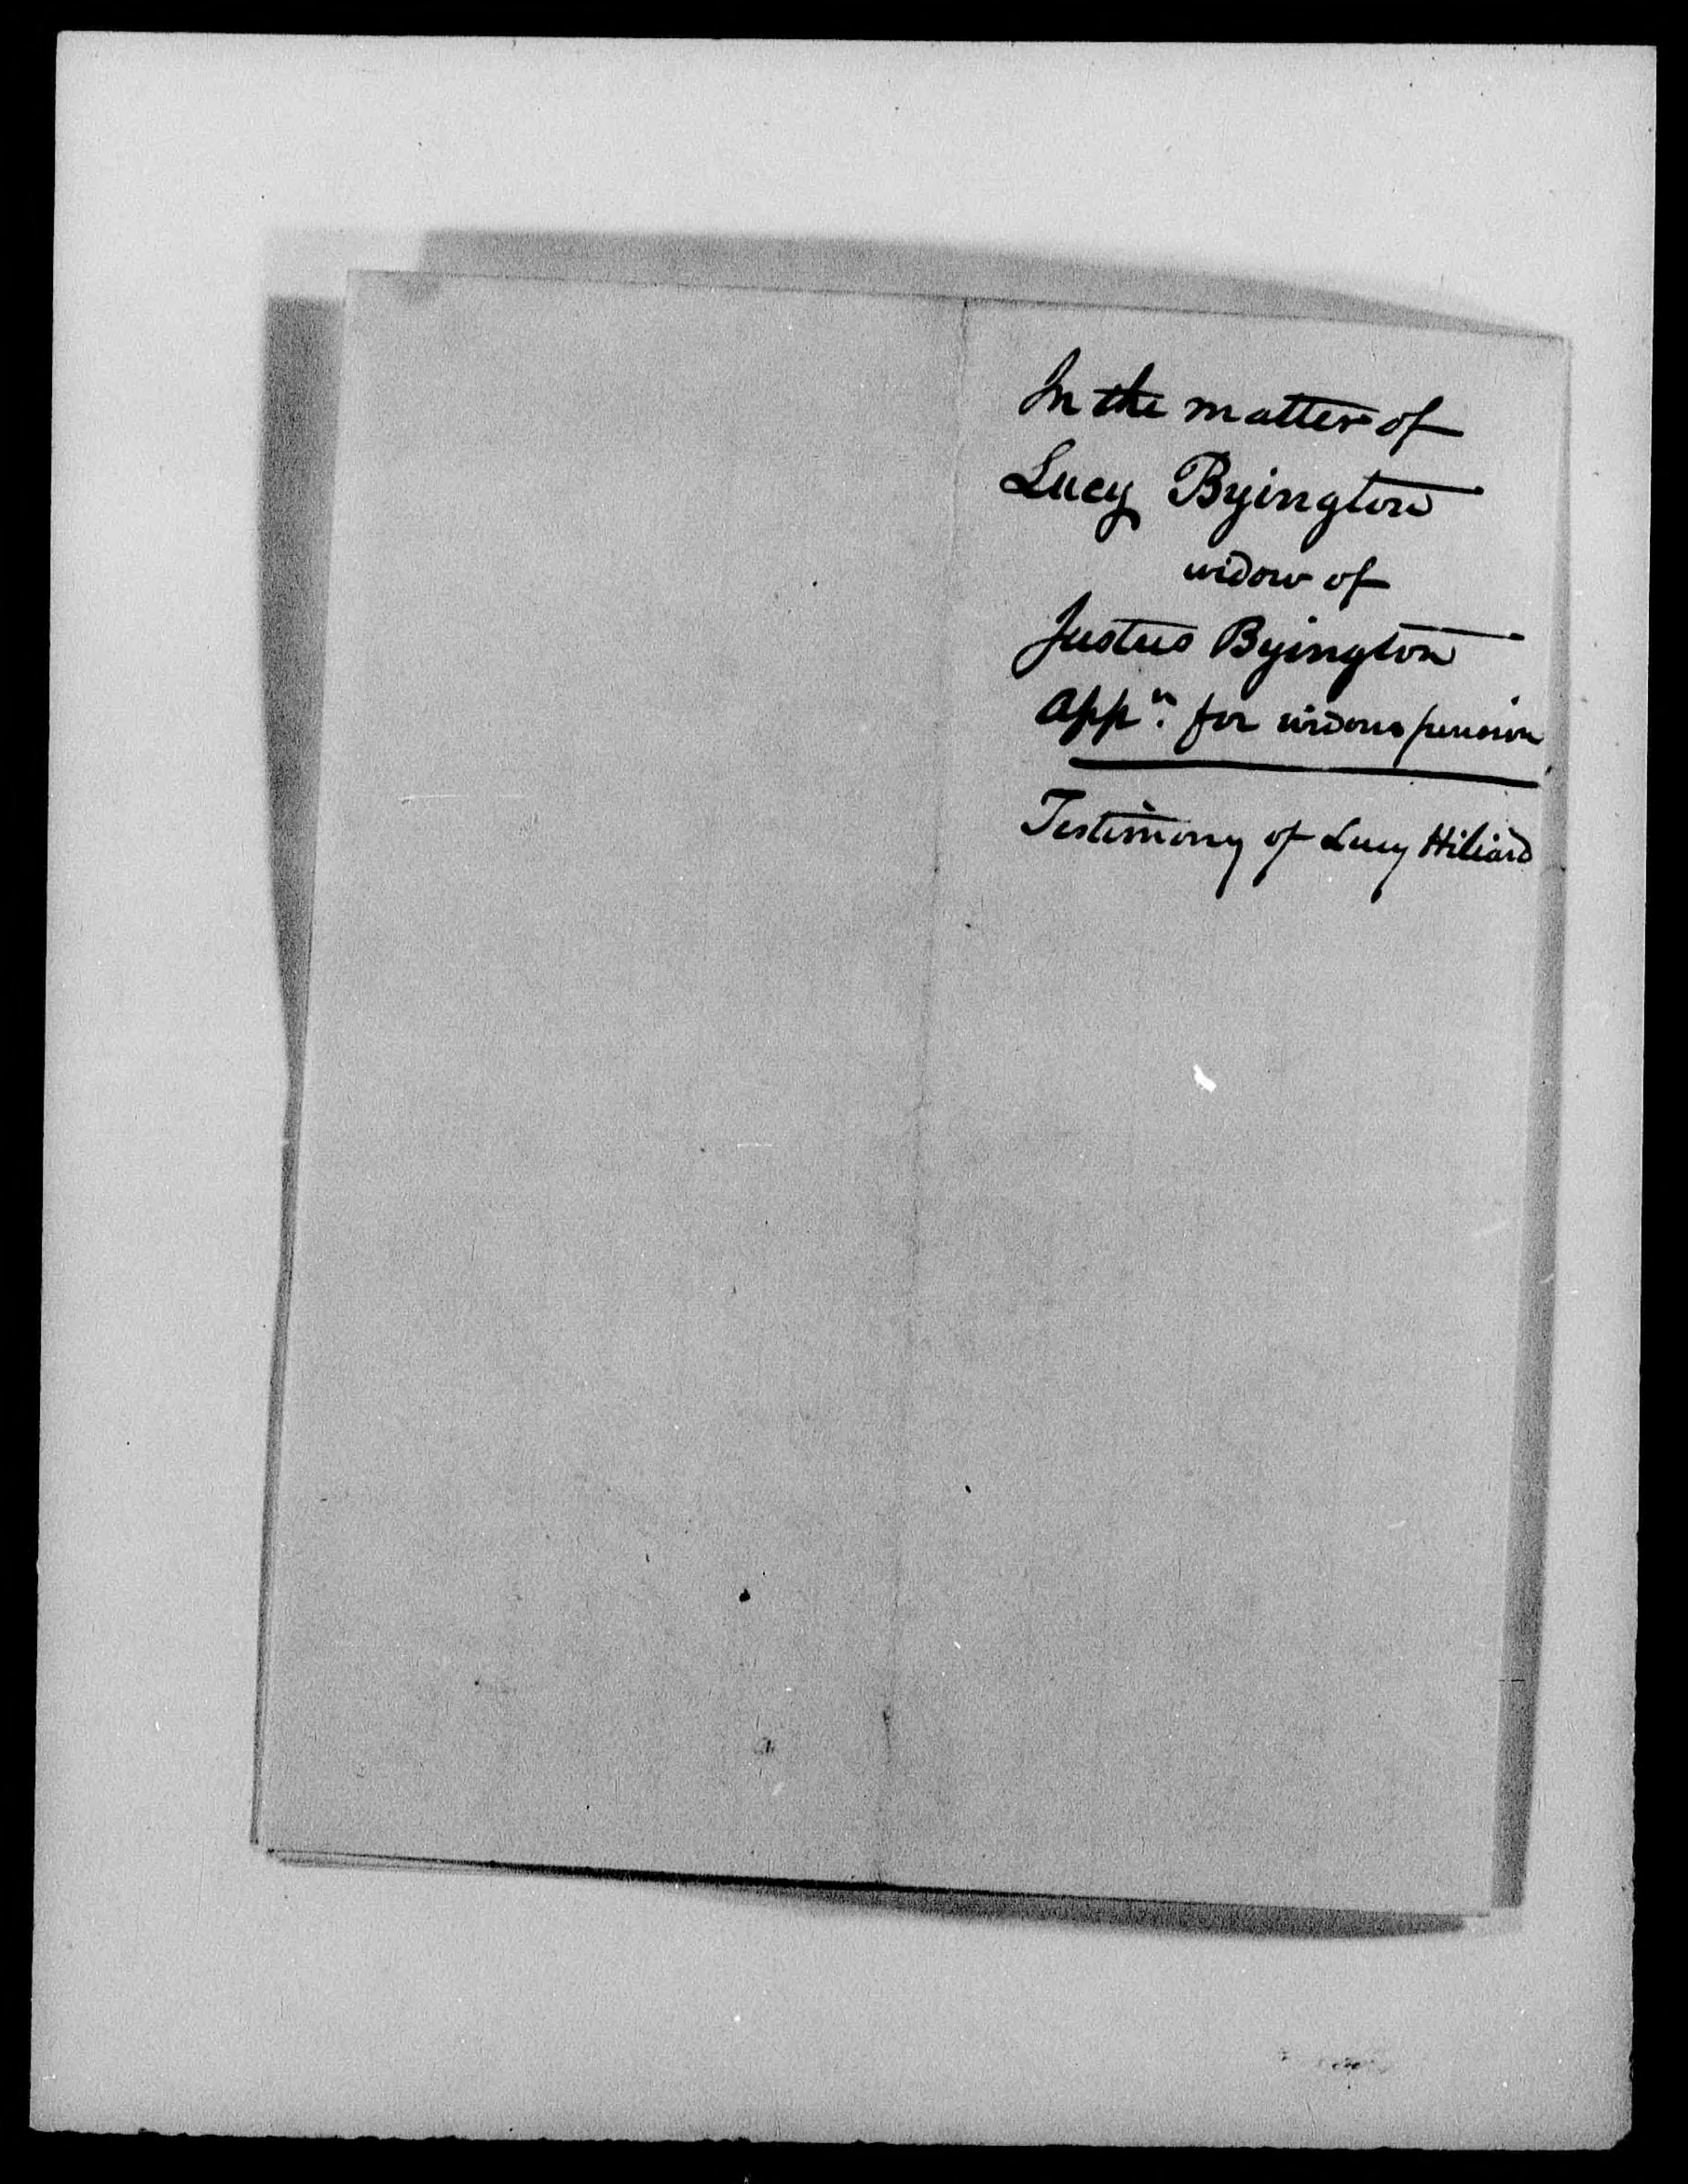In the matter of 
Lucy Byington
widow of 
Justus Byington
appn for widows pension
________________________
Testimony of Lucy Hiliard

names: Justus Byington, Lucy Byington, Lucy Hiliard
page: 10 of 79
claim: widow's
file: W. 23754, Justus Byington, Conn.